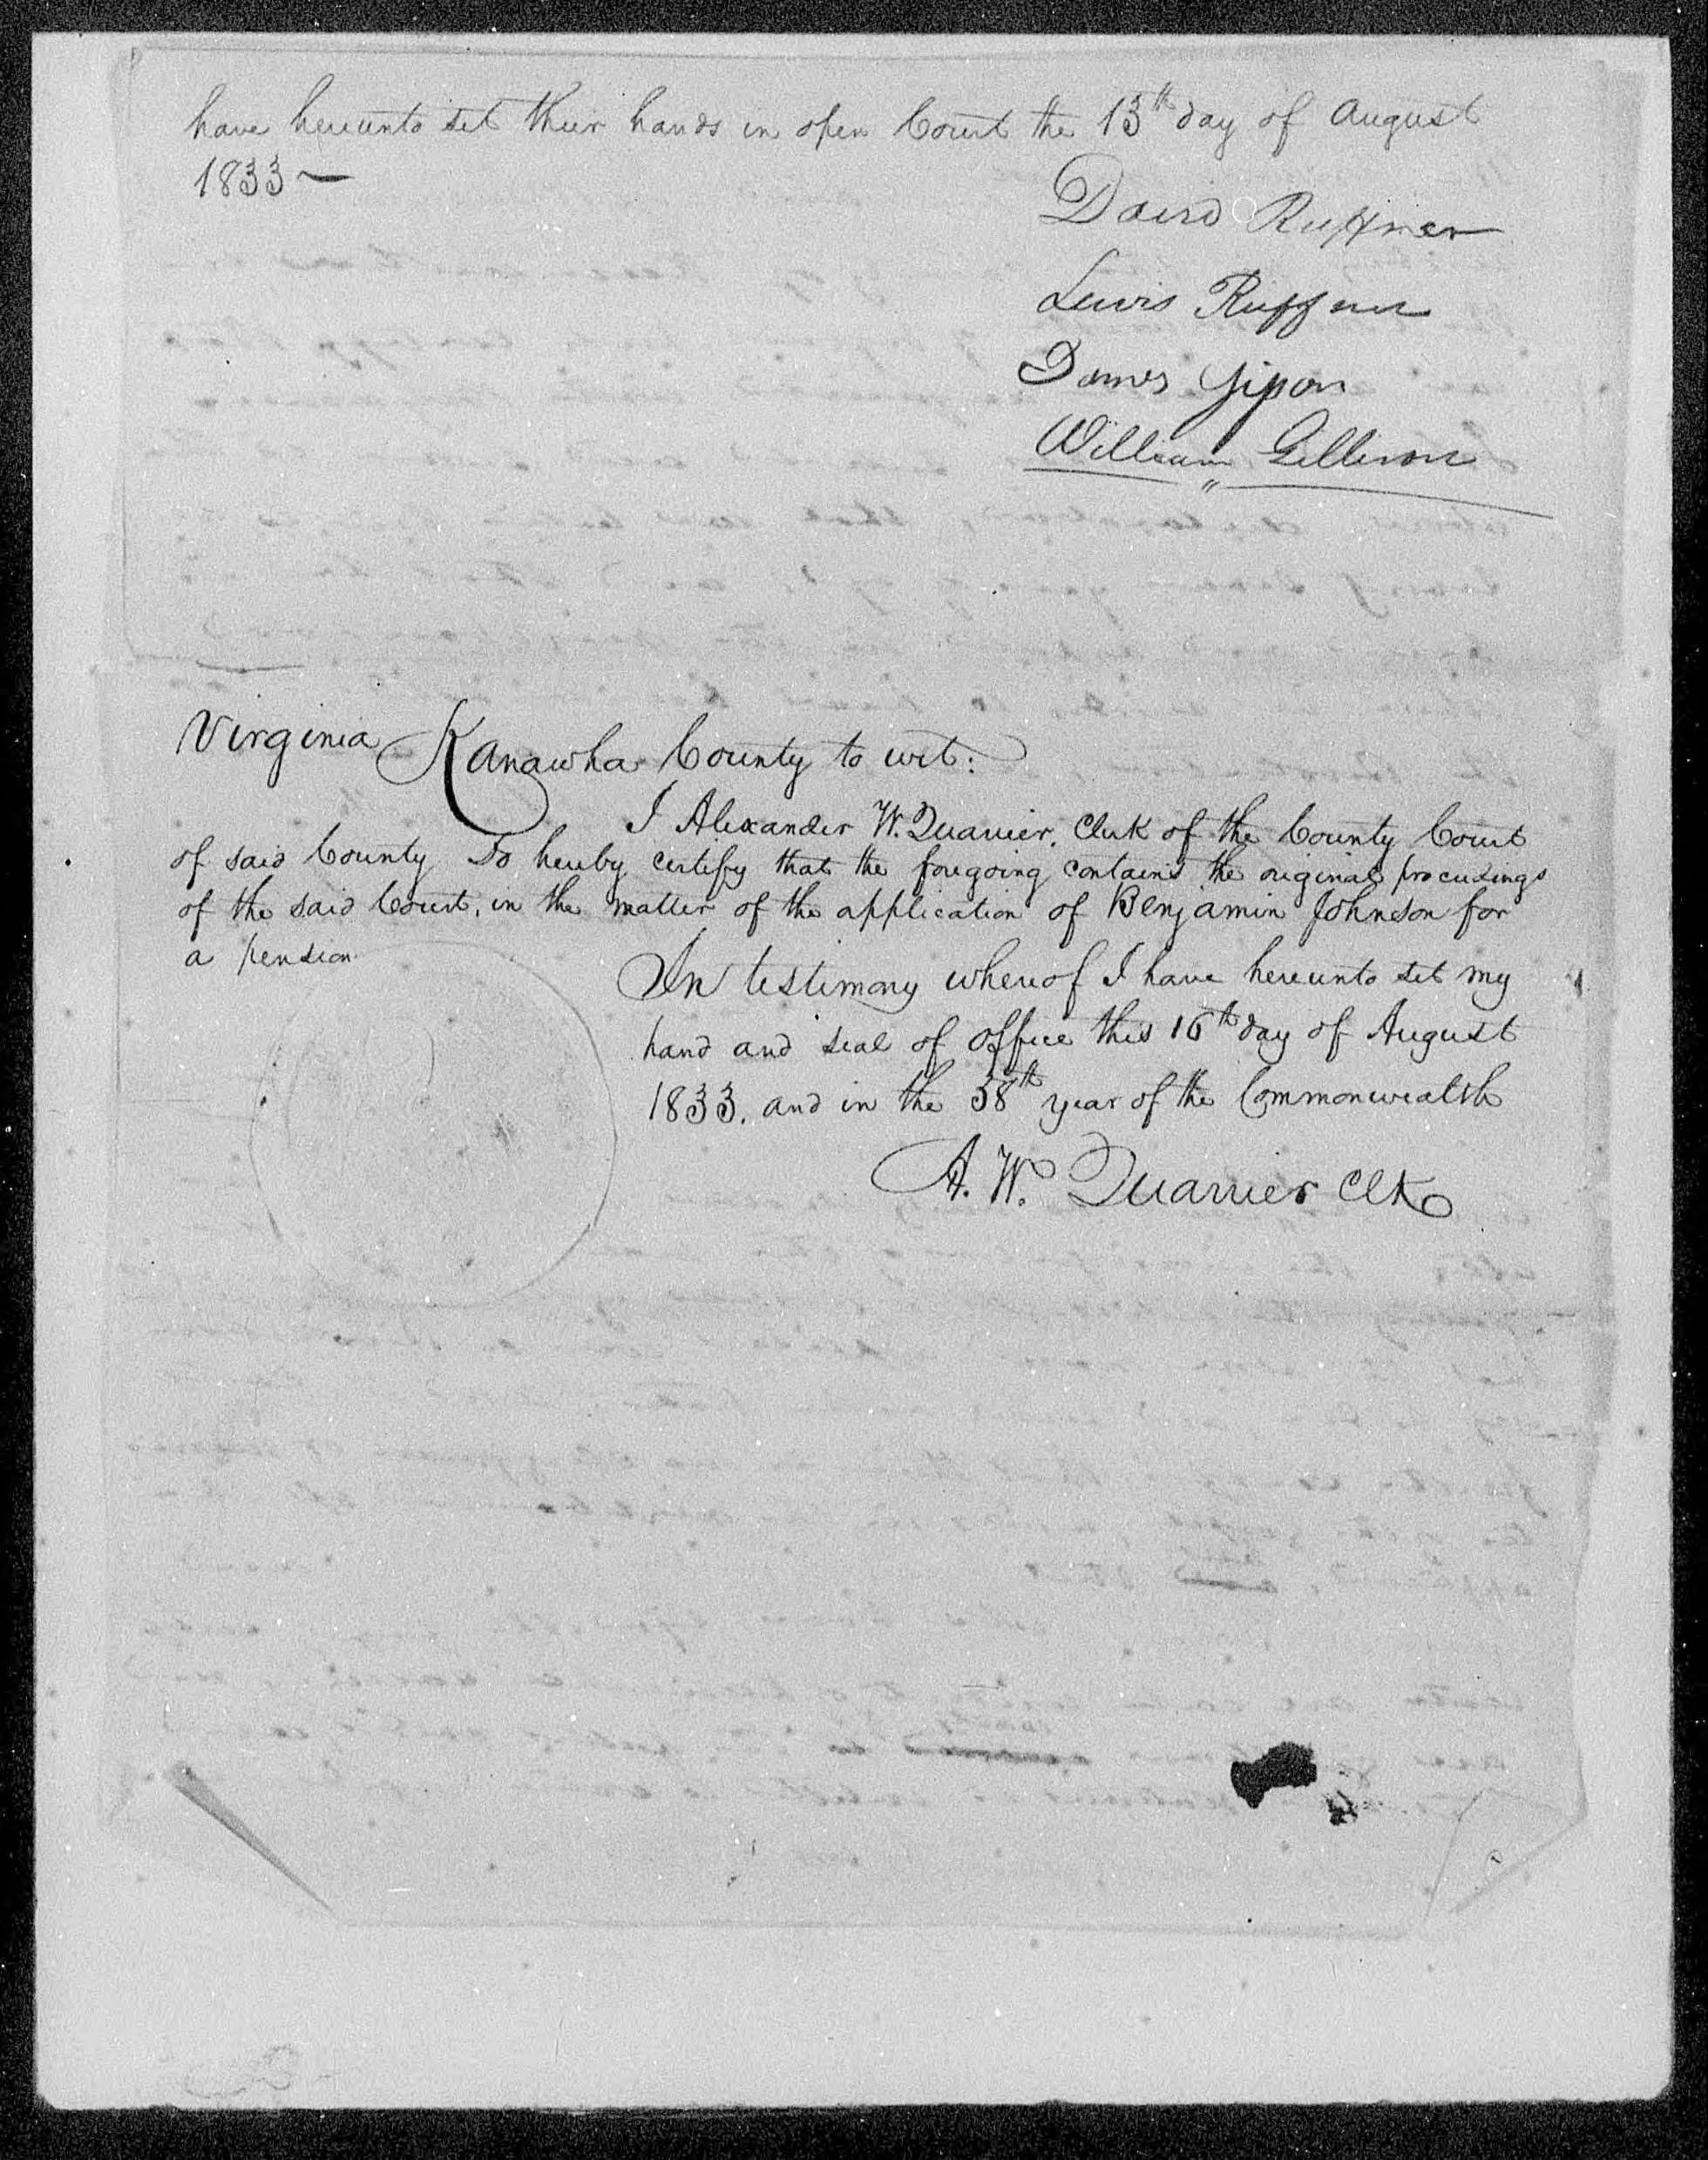have hereunto set their hands in other Court the 13th day of August 1833 

David Ruffison
Louis Ruffison
James Yipon 
William Sullivan 

Virginia Kanawha County to wit: 
I Alexander W. Duavier, Clerk of the County Court of said County to hereby certify that the foregoing contains the original procuding of the said Court, in the matter of the application of Benjamin Johnson for a pension.

In testimony where of I have here unto set my hand and seal of office this 16th day of August 1833, and in the 58th year of the Commonwealth 

A.W. Duavier CLK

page: 12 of 17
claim: rejected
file: R. 5674, for Benjamin Johnson, Virginia